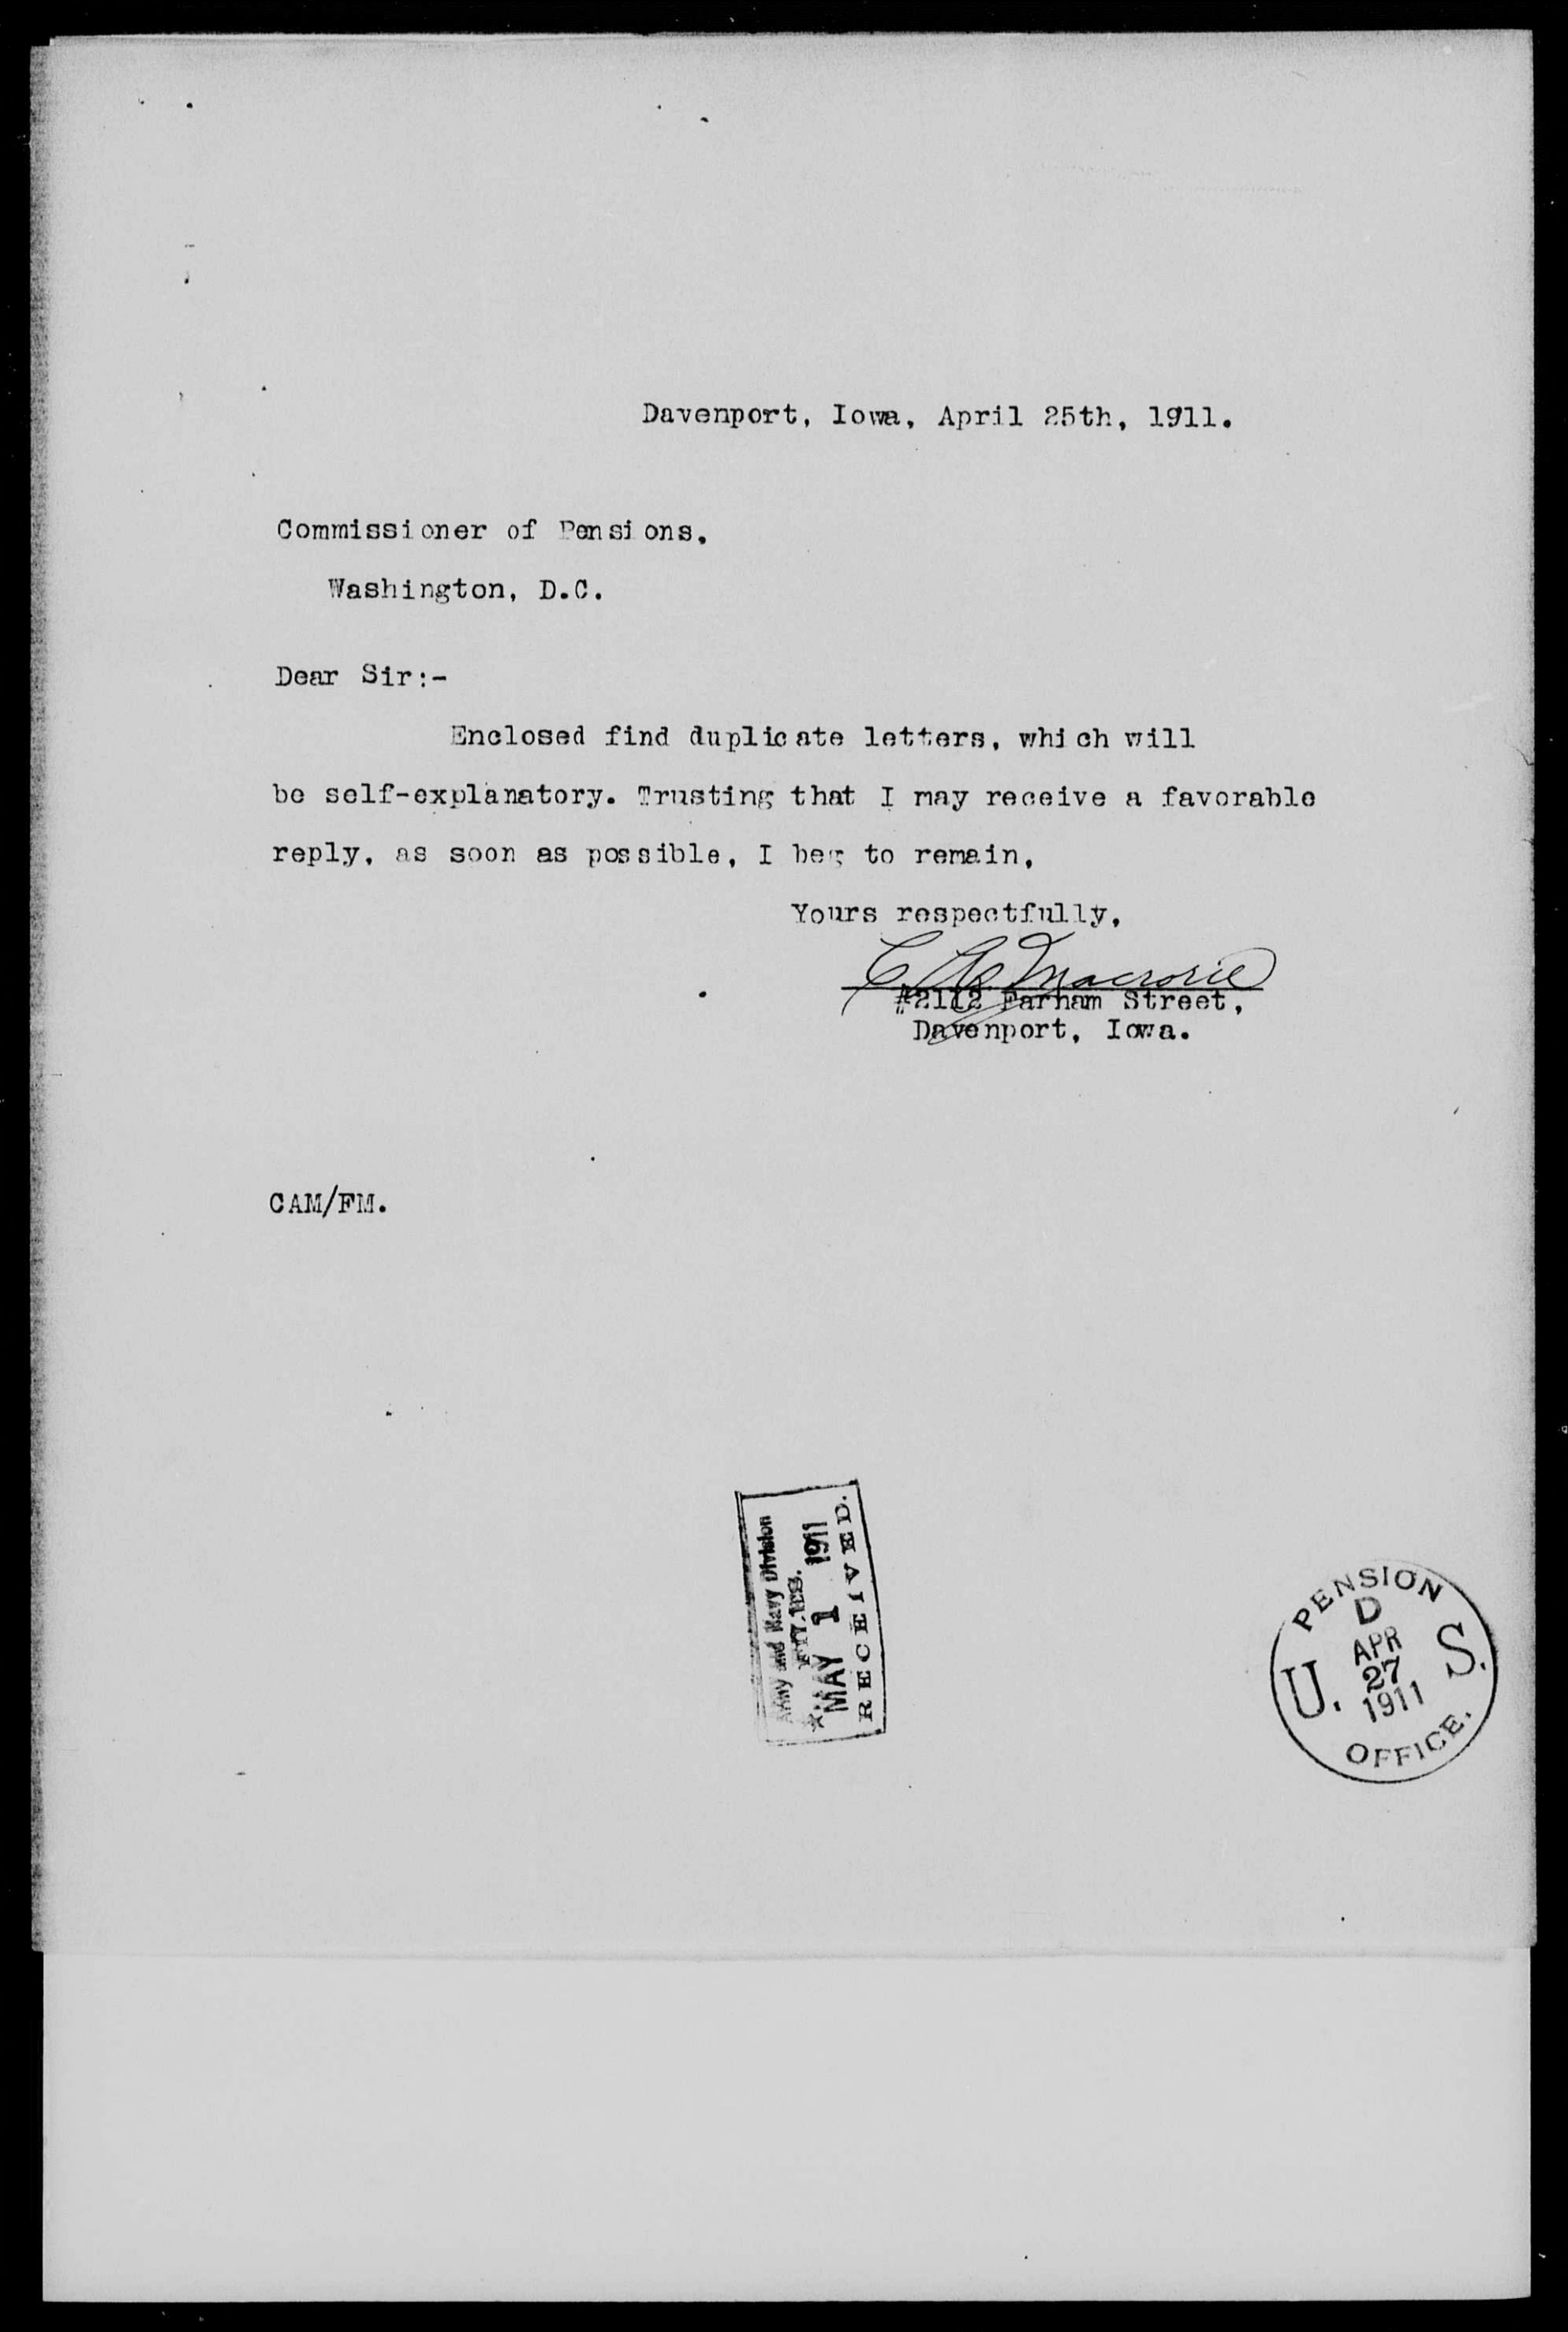Davenport, Iowa, April 25th, 1911.
Commissioner of Pensions, Washington, D.C.
Dear Sir:-
Enclosed find duplicate letters, which will be self-explanatory. Trusting that I may receive a favorable reply, as soon as possible, I beg to remain, Yours respectfully, 
[signed on signature line] C A Macrorie 
#2112 Farham Street, Davenport, Iowa.
CAM/FM.
[rectangular stamp:] Army and Navy Division [illegible] MAY 1 1911 RECEIVED.
[circular stamp:] U.S. PENSION OFFICE. D APR 27 1911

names: C A Macrorie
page: 13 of 15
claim: bounty land warrant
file: B. L. Wt. 1849-200, Aaron Day, New Jersey